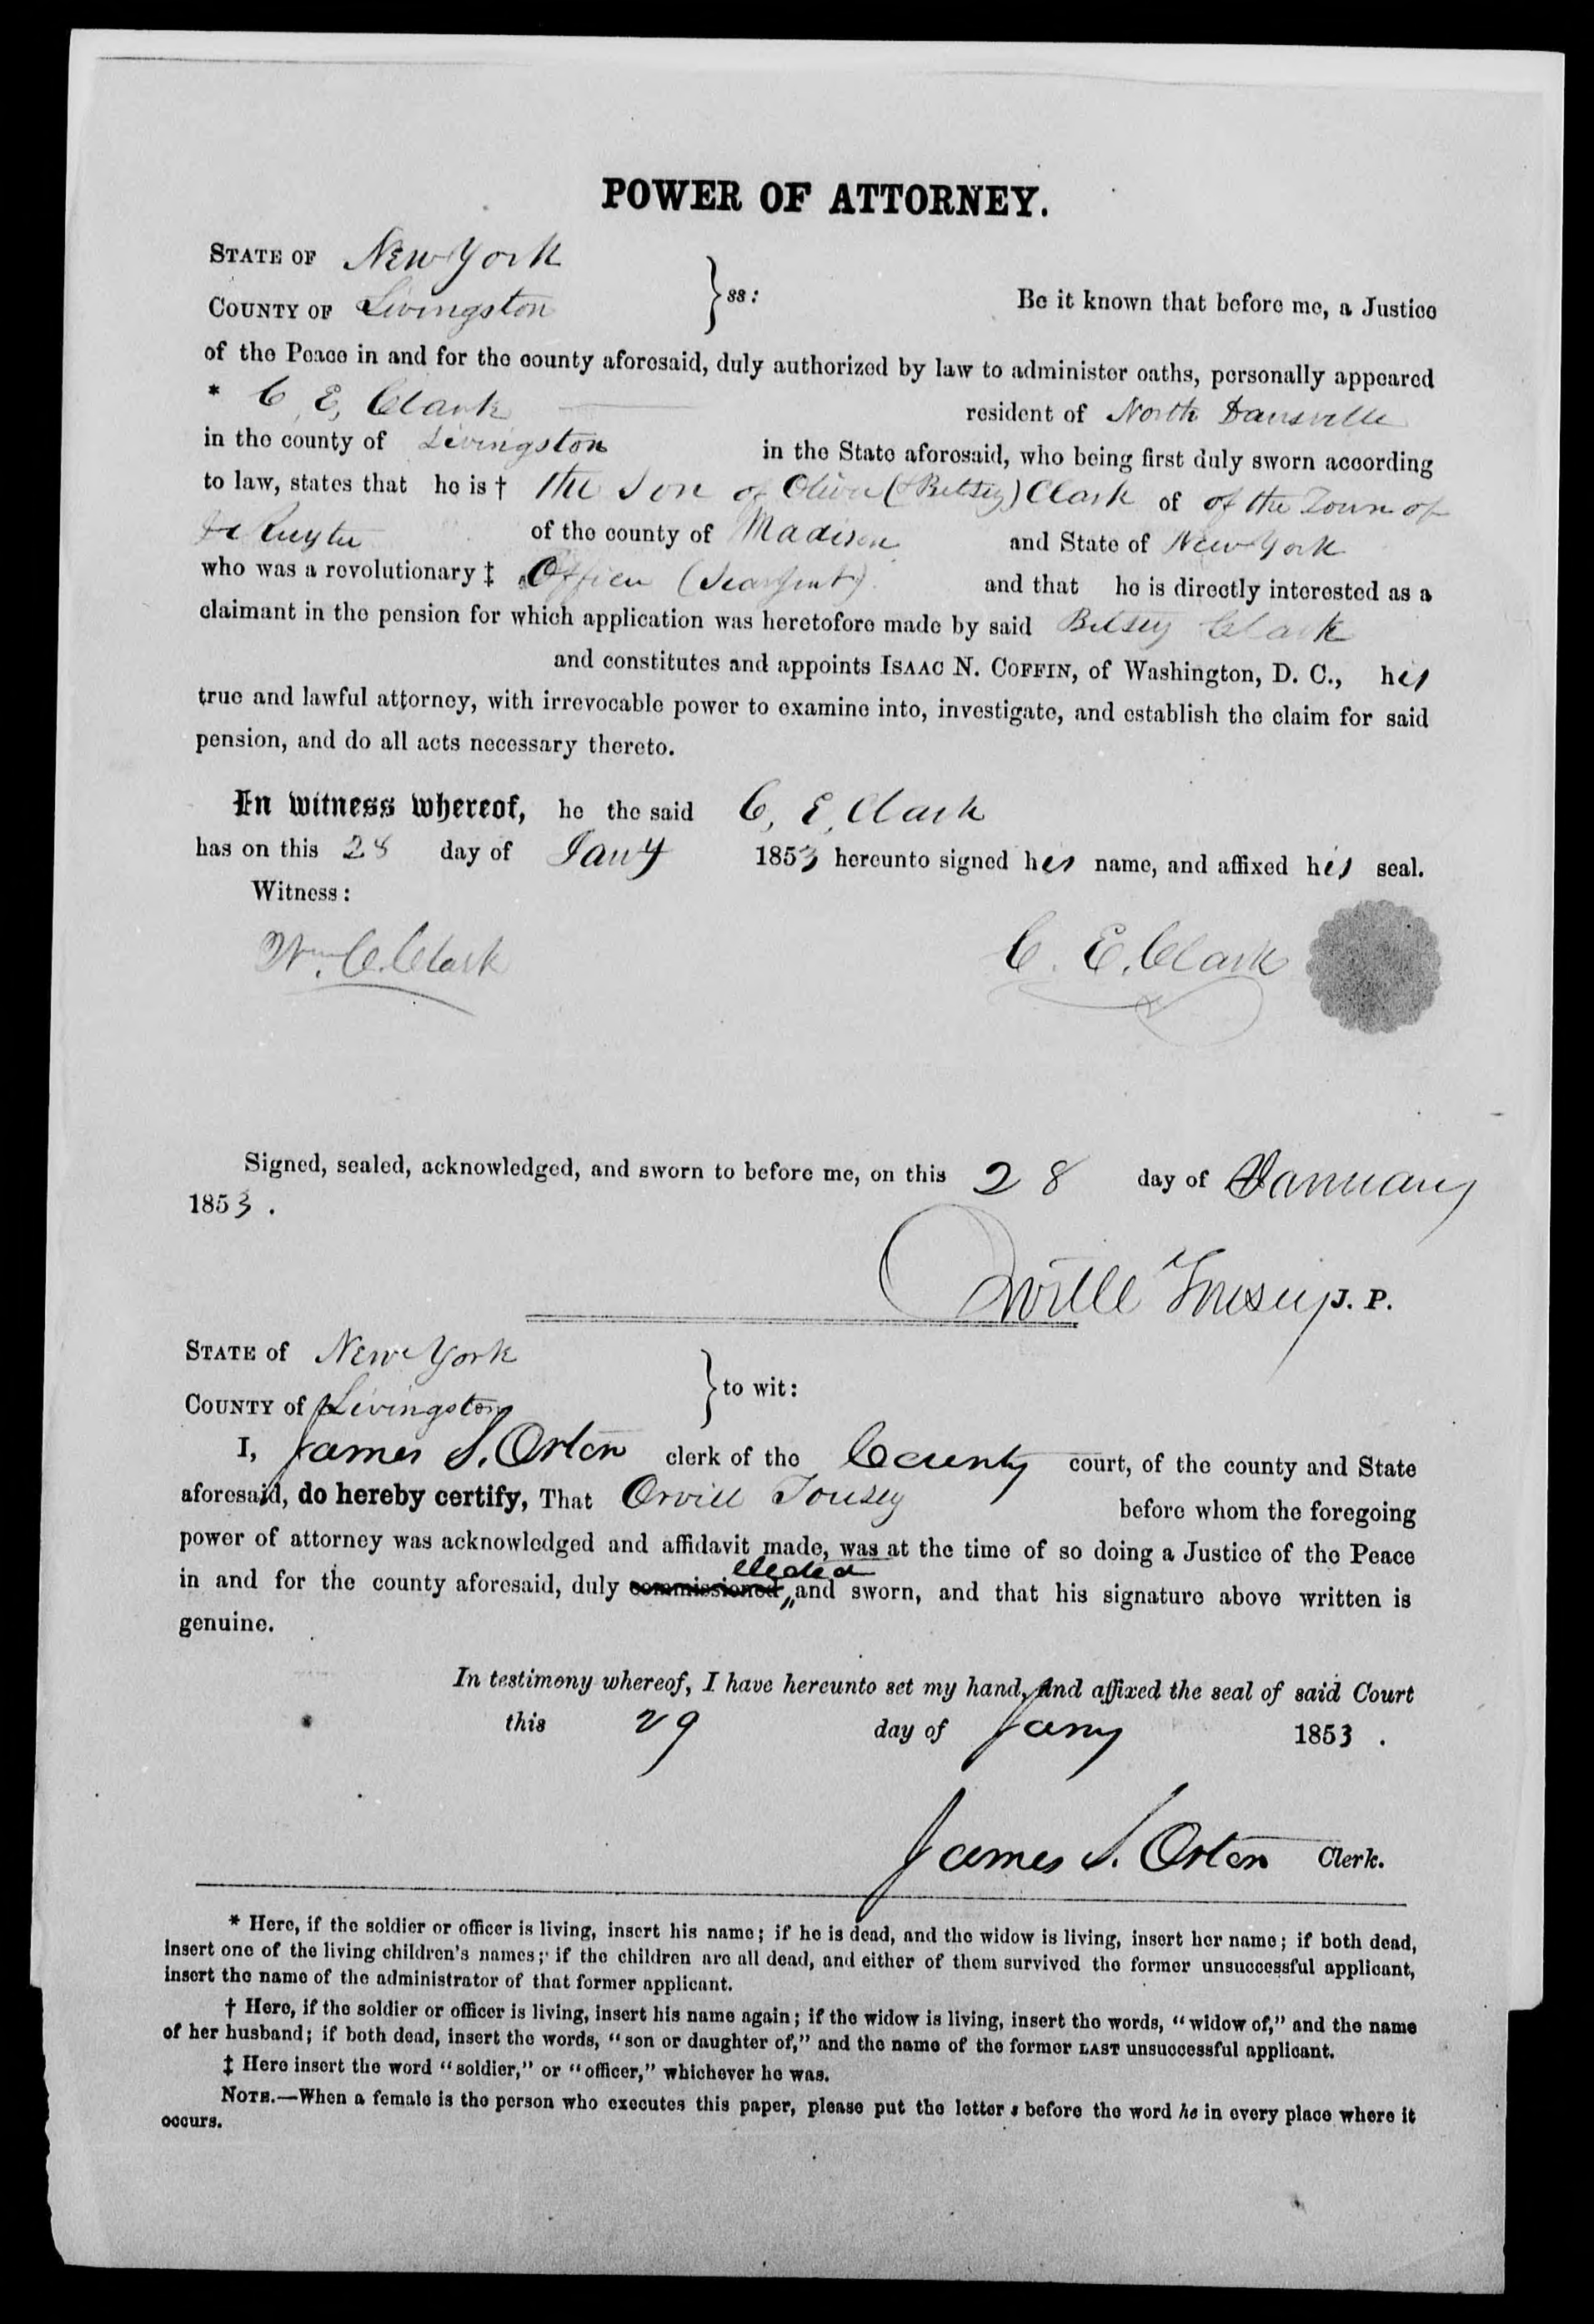[printed form completed in handwriting]
Power of Attorney.
State of New York
County of Livingston} ss:

Be it known that before me, a Justice of the Peace in and for the county aforesaid, duly authorized by law to administer oaths, personally appeared * C. E. Clark resident of North Dansville in the county of Livingston in the State aforesaid, who being first duly sworn according to law, states that he is †  the Son of Oliver (& Betsey) Clark of the Town of DeRuyter of the county of Madison and State of New York who was a revolutionary ‡ Officer (Sergeant) and that he is directly interested as a claimant in the pension for which application was heretofore made by said Betsey Clark and constitutes and appoints Isaac N. Coffin, of Washinton, D. C., his true and lawful attorney, with irrevocable power to examine into, investigate, and establish the claim for said pension, and do all acts necessary thereto.

In witness whereof, he the said C. E. Clark has on this 28 day of Jany 1853 hereunto signed his name, and affixed his seal.
(signed) C. E. Clark  [small scalloped circle to the right of the signature]
Witness: [signed] Wm. C. Clark

Signed, sealed, acknowledged, and sworn to before me, on this 28 day of January 1853.
(signed) Orville Tousey J. P.

State of New York
County of Livingston} to wit:
I, James S. Orton clerk of the County court, of the county and State aforesaid, do hereby certify, That Orvill Tousey before whom the foregoing power of attorney was acknowledged and affidavit made, was at the time of so doing a Justice of the Peace in and for the county aforesaid, duly elected and sworn, and that his signature above written is genuine.
In testimony whereof, I have hereunto set my hand, And affixed the seal of said Court this 29 day of Jany 1853. 
(signed) James S. Orton Clerk. 
* Here, if the soldier or officer I;s living, insert his name; if he is dead, and the widow is living, insert her name; if both dead, insert one of the living children’s names; if the children are all dead, and either of them survived the former unsuccessful applicant, insert the name of the administrator of that former applicant.
† Here, if the soldier or officer is living, insert his name again; if the widow is living, insert the words, “widow of,” and the name of her husband; if both dead, insert the words, “son or daughter of,” and the name of the former LAST unsuccessful applicant.
‡Here insert the word “soldier,” or “officer,” whichever he was.
Note.- When a female is the person who executes this paper, please put her the letter s before the word he in every place where it occurs.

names: Orvill Tousey, C E Clark, Wm C Clark, C E Clark, Betsey Clark, Oliver Clark, C E Clark, Orville Tousey, Betsey Clark, James S Orton, James S Orton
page: 34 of 51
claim: widow's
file: W. 23816, Oliver Clark, Conn.